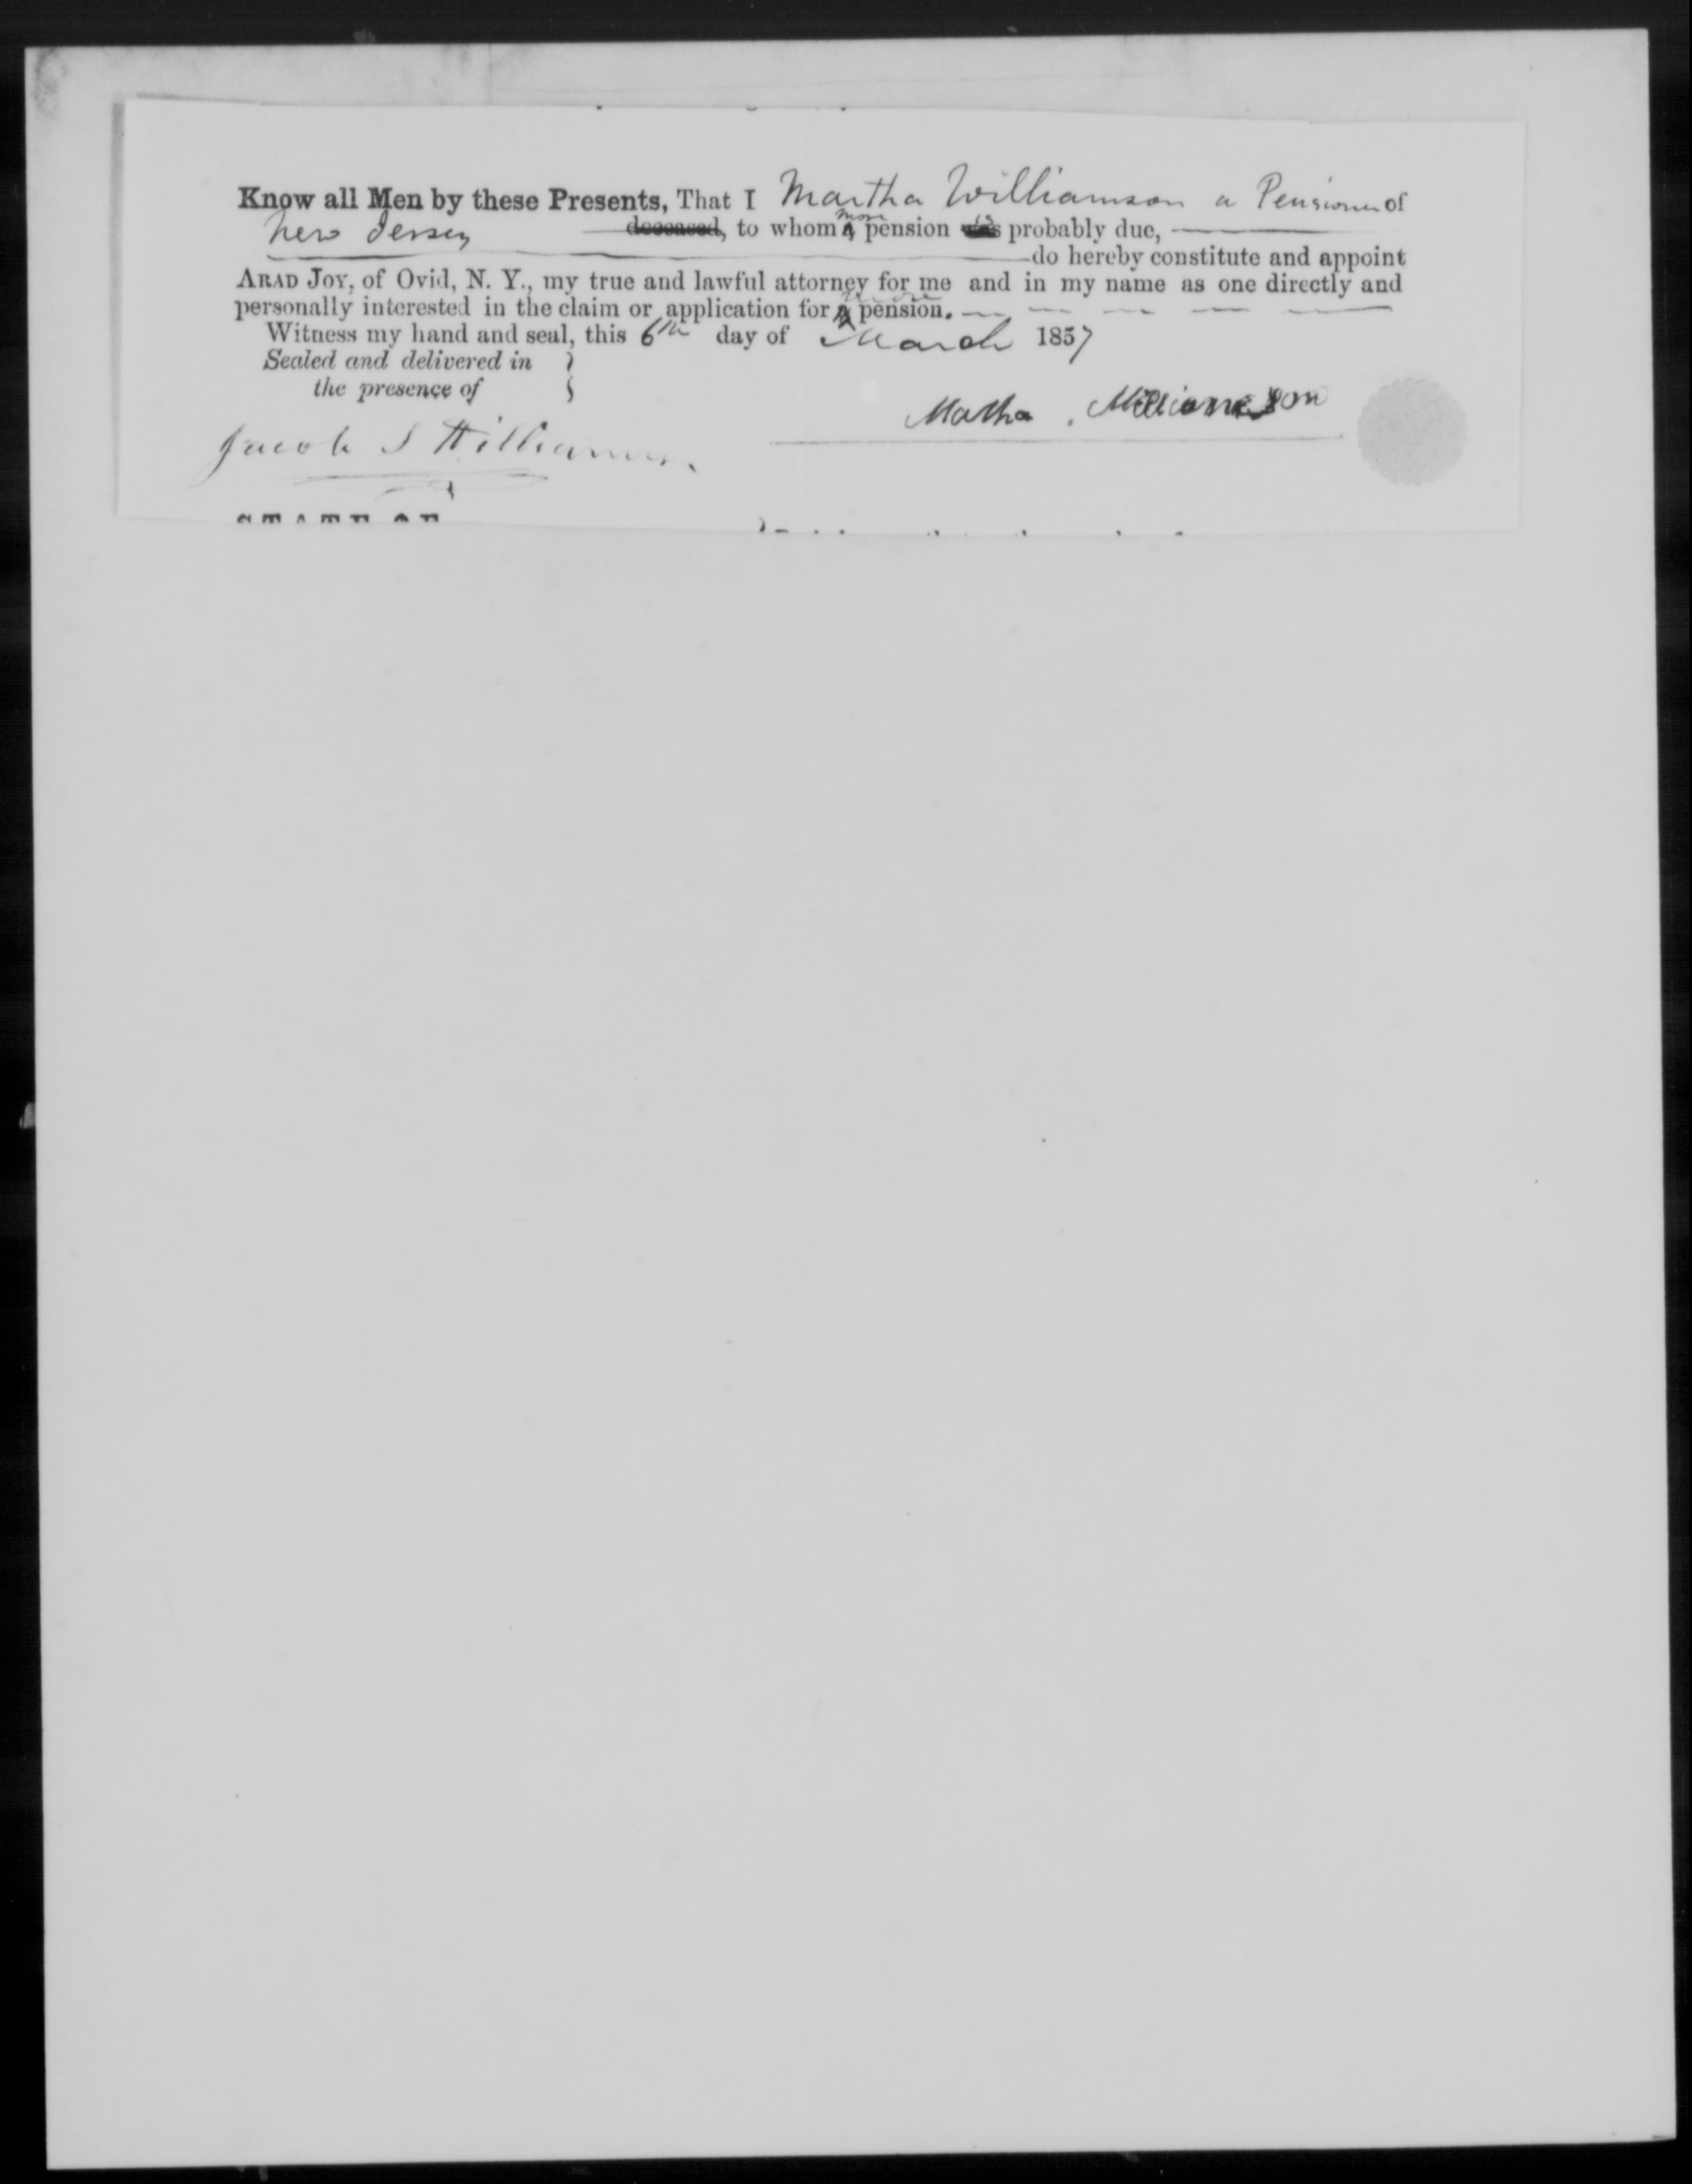Know all Men by these Presents, That I Martha Williamson, a pensioner of New Jersey [crossed out: deceased] to whom [crossed out: a] more pension [crossed out: was] is probably due, do hereby constitute and appoint ARAD JOY, of Ovid, N.Y., my true and lawful attorney for me and in my name as one directly and personally interested in the claim or application for [crossed out: a] more pension. Witness my hand and seal, this 6th day of March 1857.
s/ Martha Williamson

Sealed and delivered in the presence of.
s/ John. S. Williamson

STATE OF [illegible]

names: Arad Joy, Jacob S Williamson, Martha Williamson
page: 36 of 67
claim: widow's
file: W. 2393, Jacob Williamson, New Jersey